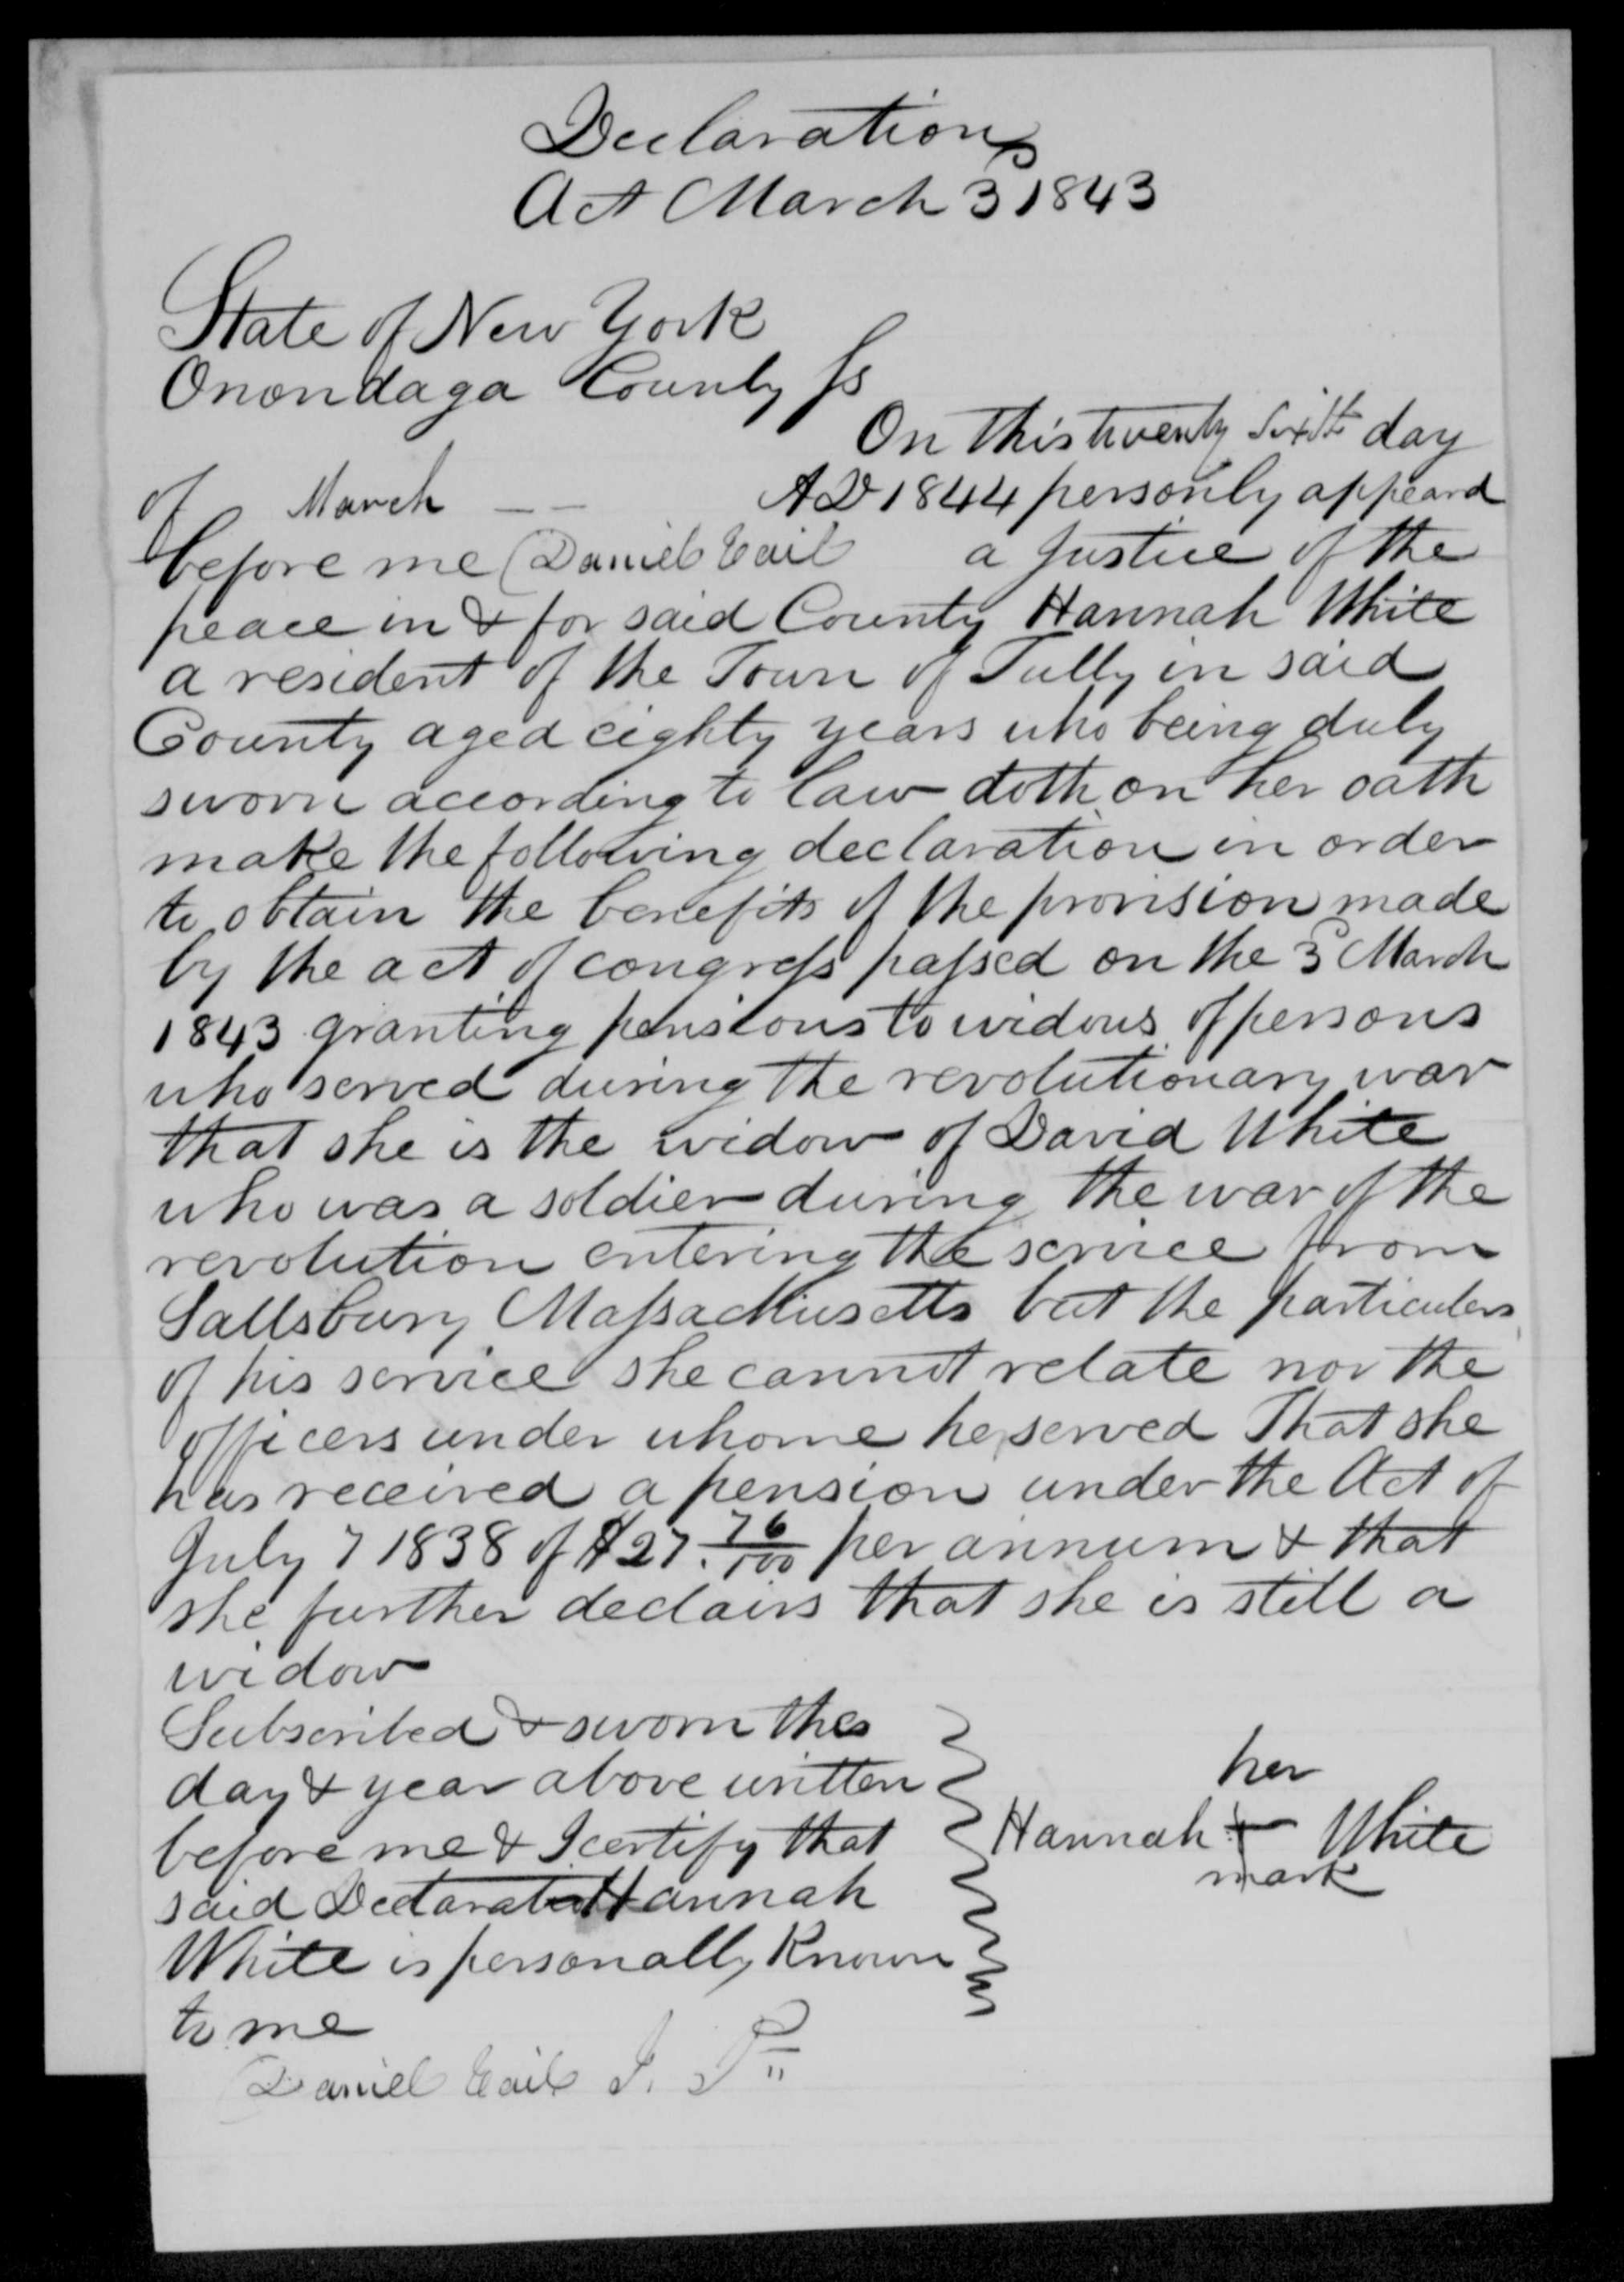Declarations
Act March 3 1843

State of New York
Onondaga County ss

On this twenty sixth day of March---AD 1844 personly(sic) appeared before me Daniel Vail a Justice of the Peace in & for said County Hannah White a resident of the Town of Tully in said County aged eighty years who being duly sworn according to law doth on her oath make the following declaration in order to obtain the benefits of the provision made by the act of Congress passed on the 3rd March 1843 granting pensions to widows of persons who served during the revolutionary war that she is the widow of David White who was a soldier during the war of the revolution entering the service from Salisbury Massachusetts but hte particulars of his service she cannot relate nor officers under whome(sic) he served that she has received a pension under the Act of July 7 1838 of $27.76/100 per annum & that she further delcairs(sic) that she is still a widow

Hannah X(her mark) White

Subscribed & sworn this day & year above written before me & I certify that said Declarant Hannah White is personally known to me}
Daniel Vail J.P.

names: David White, Hannah White, Daniel Vail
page: 59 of 63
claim: widow's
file: W. 18403, David White, Conn.